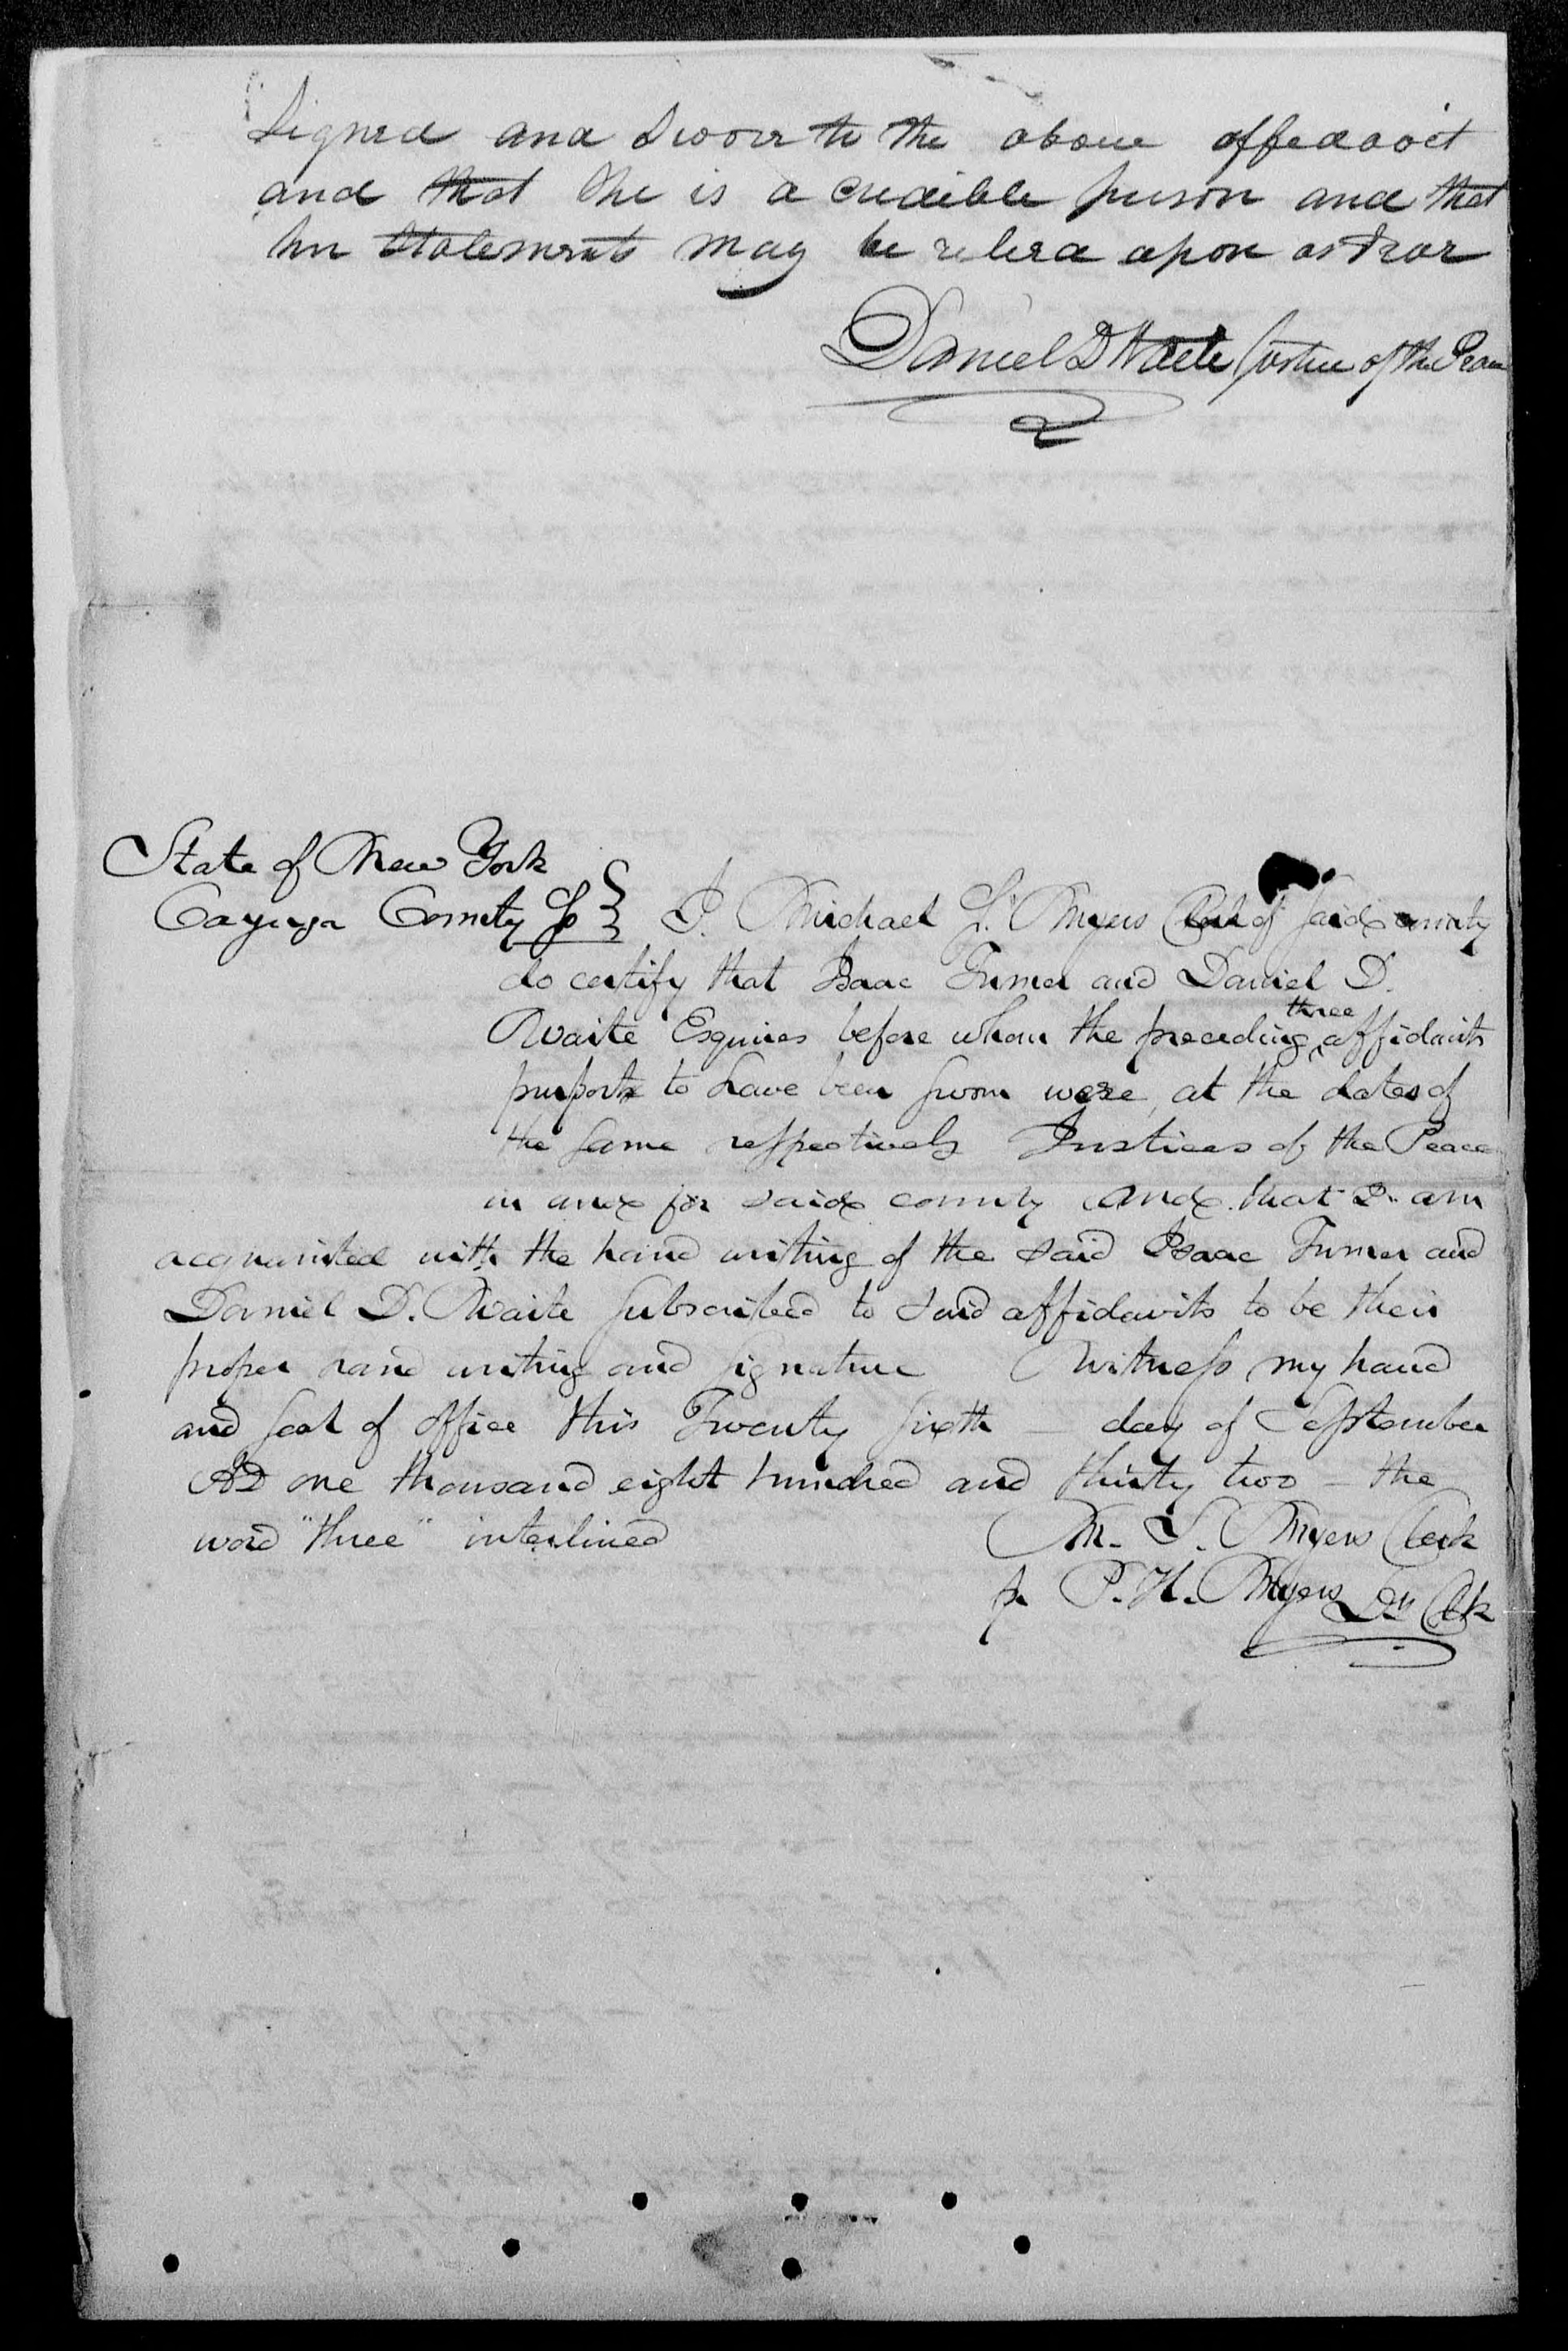State of New York Cayuga County
I Michael J. Myers clerk of said county do certify that Isaac Turner and Daniel D. Waite Esquires before whom the preceding three affidavits purports to have been sworn were at the dates of the same respectively Justices of the Peace in and for said county and that I am acquainted with the hand writing of the said Isaac Turner and Daniel D. Waite subscribed to said affidavits to be their proper hand writing and signature   Witness my hand and seal of office this Twenty sixth day of September AD one thousand eight hundred and thirty two the word "three" interlined
M.L. Myers clerk P.H. Myers clk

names: P H Myers, Daniel D Waite, Isaac Turner, Daniel D Waite, Michael S Myers, M L Myers, Daniel D Waite, Isaac Turner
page: 6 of 26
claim: survivor's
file: S. 12,291, Jesse Brewster, New York